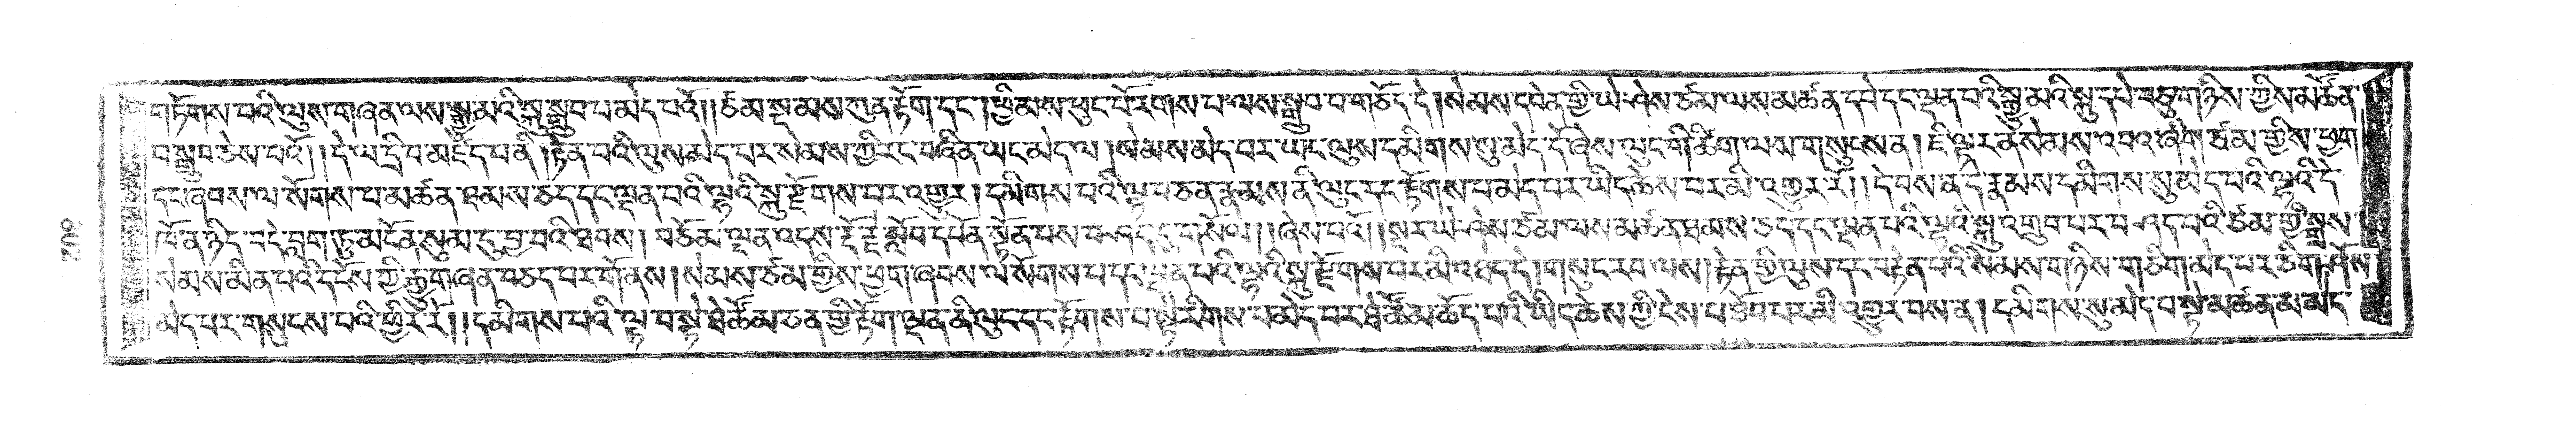གཏེགས་པའི་ལུས་གཞན་ལས་སྒྱུ་མའི་སྐུ་སྒྲུབ་པ་མེད་པའོ། །ཙམ་སྔ་མས་ཀུན་རྟོག་དང་། ཕྱི་མས་ཕུང་པོ་རགས་པ་ལས་སྒྲུབ་པ་གཅོད་དེ། སེམས་དབེན་གྱི་ཡེ་ཤེས་ཙམ་ལས་མཚན་དཔེ་དང་ལྡན་པའི་སྒྱུ་མའི་སྐུ་དཔེ་བཅུ་གཉིས་ཀྱིས་མཚོན་
པ་སྒྲུབ་ཅེས་པའོ། །དེ་ལ་དྲི་བ་མཛད་པ་ནི། རྟེན་པའི་ལུས་མེད་པར་སེམས་ཀྱི་རང་བཞིན་ཡང་མེད་ལ། སེམས་མེད་པར་ཡང་ལུས་དམིགས་སུ་མེད་དོ་ཞེས་ལུང་གི་ཚིག་ལས་གསུངས་ན། ཇི་ལྟར་ན་སེམས་འབའ་ཞིག་ཙམ་གྱིས་ཕྱག་
དང་ཞབས་ལ་སོགས་པ་མཚན་ཐམས་ཅད་དང་ལྡན་པའི་ལྷའི་སྐུ་རྫོགས་པར་འགྱུར། དམིགས་པའི་ལྟ་བ་ཅན་རྣམས་ནི་ལུང་དང་རྟོགས་པ་མེད་པར་ཡིད་ཆེས་པར་མི་འགྱུར་རོ། །དེ་བས་ན་དེ་རྣམས་དམིགས་སུ་མེད་པའི་ལྷའི་དེ་
ཁོ་ན་ཉིད་བདེ་བླག་ཏུ་མངོན་སུམ་དུ་བྱ་བའི་ཐབས། བཅོམ་ལྡན་འདས་རྡོ་རྗེ་སློབ་དཔོན་སྟོན་པས་བཤད་དུ་གསོལ། །ཞེས་པའོ། །སྔར་ཡེ་ཤེས་ཙམ་ལས་མཚན་ཐམས་ཅད་དང་ལྡན་པའི་ལྷའི་སྐུ་འགྲུབ་པར་བཤད་པའི་ཙམ་གྱི་སྒྲས་
སེམས་མིན་པའི་དངོས་ཀྱི་རྒྱུ་གཞན་བཅད་པར་གོ་ནས། སེམས་ཙམ་གྱིས་ཕྱག་ཞབས་ལ་སོགས་པ་དང་ལྡན་པའི་ལྷའི་སྐུ་རྫོགས་པར་མི་འཐད་དེ། གསུང་རབ་ལས། རྟེན་གྱི་ལུས་དང་བརྟེན་པའི་སེམས་གཉིས་གཅིག་མེད་པར་ཅིག་ཤོས་
མེད་པར་གསུངས་པའི་ཕྱིར་རོ། །དམིགས་པའི་ལྟ་བ་སྟེ་ཐེ་ཚོམ་ཅན་གྱི་རྟོག་ལྡན་ནི་ལུང་དང་རྟོགས་པ་སྟེ་རིགས་པ་མེད་པར་ཐེ་ཚོམ་ཆོད་པའི་ཡིད་ཆེས་ཀྱི་ངེས་པ་ཐོབ་པར་མི་འགྱུར་བས་ན། དམིགས་སུ་མེད་པ་སྟེ་མཚན་མ་མེད་